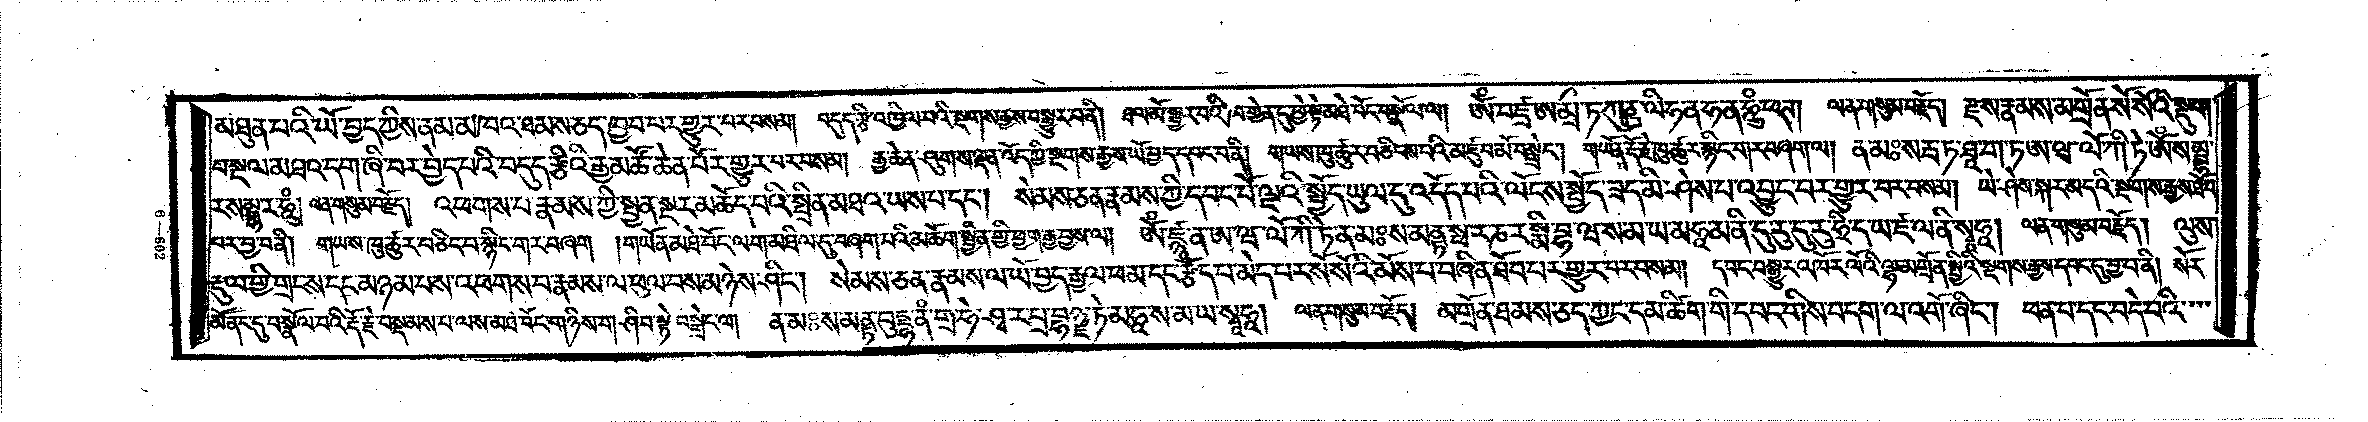མཐུན་པའི་ཡོ་བྱད་ཀྱིས་ནམ་མཁའ་ཐམས་ཅད་ཁྱབ་པར་གྱུར་པར་བསམ། བདུད་རྩི་འཁྱིལ་བའི་སྔགས་རྒྱས་བསྒྱུར་བ་ནི། ཐལ་མོ་སྦྱར་བའི་ཁ་གྱེན་དུ་ཕྱེ་སྟེ་མཐེ་བོང་བསྣོལ་ལ།  ཨོཾ་བཛྲ་ཨ་མྲྀ་ཏ་ཀུཎྜ་ལིཧ་ན་ཧ་ན་ཧཱུཾ་ཕཊ། ལན་གསུམ་བརྗོད།  རྫས་རྣམས་མགྲོན་སོ་སོའི་སྡུག་
ཕ༹ཕ༹བསྔལ་མཐའ་དག་ཞི་བར་བྱེད་པའི་བདུད་རྩིའི་རྒྱ་མཚོ་ཆེན་པོར་གྱུར་པར་བསམ། རྒྱ་ཆེན་ཤུགས་ལྡན་འོད་ཀྱི་སྔགས་རྒྱས་ཡོ་བྱད་དབང་བ་ནི། གཡས་ཁུ་ཚུར་བཅིངས་པའི་མཛུབ་མོ་བསྒྲེང་། གཡོན་རྡོ་རྗེ་ཁུ་ཚུར་སྙིང་གར་བཞག་ལ།  ན་མཿསརྦ་ཏ་ཐཱ་ག་ཏ་ཨ་ཝ་ལོ་ཀི་ཏེ་ཨོཾ་སམྦྷ་
ཕ༹ྲ་སམྦྷ་ར་ཧཱུཾ། ལན་གསུམ་བརྗོད།  འཕགས་པ་རྣམས་ཀྱི་སྤྱན་སྔར་མཆོད་པའི་སྤྲིན་མཐའ་ཡས་པ་དང་། སེམས་ཅན་རྣམས་ཀྱི་དབང་པོ་ལྔའི་སྤྱོད་ཡུལ་དུ་འདོད་པའི་ལོངས་སྤྱོད་ཟད་མི་ཤེས་པ་འབྱུང་བར་གྱུར་བར་བསམ། ཡེ་ཤེས་སྐར་མདའི་སྔགས་རྒྱས་ཐོབ་
བར་བྱ་བ་ནི། གཡས་ཁུ་ཚུར་བཅིང་བ་སྙིང་གར་བཞག །གཡོན་མཐེ་བོང་ལག་མཐིལ་དུ་བཞག་པའི་མཆོག་སྦྱིན་གྱི་ཕྱག་རྒྱ་བྱས་ལ། ཨོཾ་ཛྙ་ན་ཨ་ཝ་ལོ་ཀི་ཏེ་ན་མཿ ས་མནྟ་སྥར་ཎ་རསྨི་བྷ་ཝ་ས་མ་ཡ་མཧཱ་མ་ནི་དུ་རུ་དུ་རུ་ཧྲི་ད་ཡ་ཛ་ལ་ནི་སྭཱཧཱ། ལན་གསུམ་བརྗོད།  ལུས་
ཕ༹རྡུལ་གྱི་གྲངས་དང་མཉམ་པས་འཕགས་བ་རྣམས་ལ་ཕུལ་བས་མཉེས་ཤིང་། སེམས་ཅན་རྣམས་ལ་ཡོ་བྱད་རྒྱལ་ཕམ་དང་རྩོད་པ་མེད་པར་སོ་སོའི་མོས་པ་བཞིན་ཐོབ་པར་གྱུར་བར་བསམ། དབང་བསྒྱུར་འཁོར་ལོའི་ལྷ་མགྲོན་སྤྱིའི་སྔགས་རྒྱས་དབང་དུ་བྱ་བ་ནི། སོར་
མོ་ནང་དུ་བསྣོལ་བའི་རྡོ་རྗེ་བསྡམས་པ་ལས་མཐེ་བོང་གཉིས་གཤིབ་སྟེ་བསྒྲེང་ལ། ན་མཿས་མནྟ་བུདྡྷ་ནཾ་གྲ་ཧེ་ཤྭ་ར་པྲ་བྷཉྫ་ཏེ་མཧཱ་ས་མ་ཡ་སྭཱཧཱ། ལན་གསུམ་བརྗོད།  མགྲོན་ཐམས་ཅད་ཀྱང་དམ་ཚིག་གི་དབང་གིས་བདག་ལ་འགོ་ཞིང་། ཕན་བ་དང་བདེ་བའི་
ཕ༹་